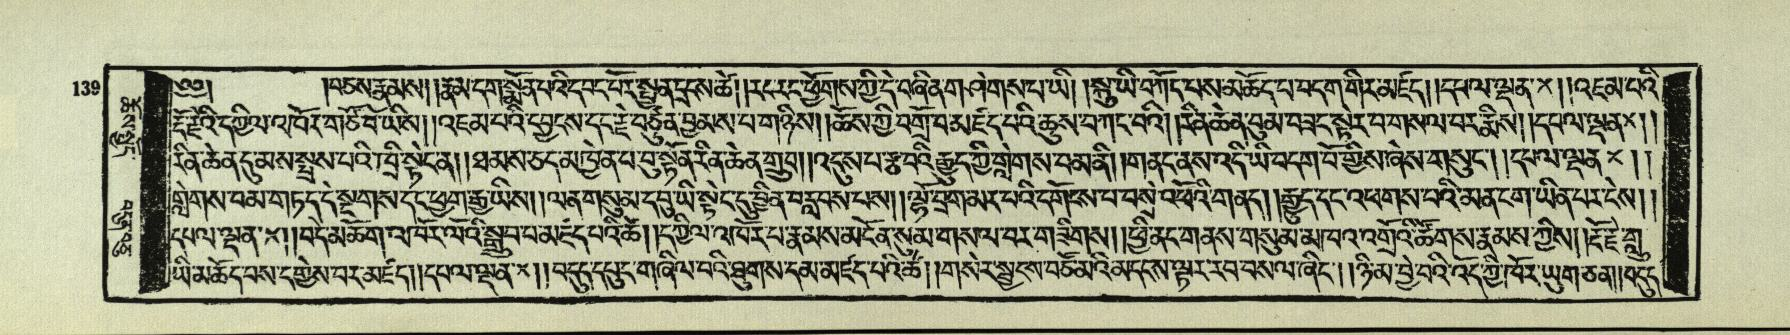༄༅། །བཅས་རྣམས། །རྣམ་དག་སྨོན་པའི་དབང་པོར་སྤྱན་དྲངས་ཚེ། །རང་རང་ཕྱོགས་ཀྱི་དེ་བཞིན་གཤེགས་པ་ཡི། །སྐུ་ཡི་བཀོད་པས་མཆོད་པ་བདག་གིར་མཛད། །དཔལ་ལྡན་྾། །འཇམ་པའི་
རྡོ་རྗེའི་དཀྱིལ་འཁོར་གཙོ་བོ་ཡིས། །འཇམ་པའི་དབྱངས་དང་རྗེ་བཙུན་བྱམས་པ་གཉིས། །ཆོས་ཀྱི་འགྲོ་བ་མཛད་པའི་ཆུས་བཀང་བའི། །རིན་ཆེན་བུམ་བཟང་སྟེར་བ་གསལ་བར་རྨིས། །དཔལ་ལྡན་྾།།
རིན་ཆེན་དུ་མས་སྤྲས་པའི་ཁྲི་སྟེང་ན། །ཐམས་ཅད་མཁྱེན་པ་བུ་སྟོན་རིན་ཆེན་གྲུབ། །འདུས་པ་རྩ་བའི་རྒྱུད་ཀྱི་གླེགས་བམ་ནི། །གནང་ནས་འདི་ཡི་བདག་པོ་གྱིས་ཞེས་གསུང་། །དཔལ་ལྡན་྾།།
གླེགས་བམ་གཏད་དེ་སྔགས་དང་ཕྱག་རྒྱ་ཡིས། །ལན་གསུམ་དབུ་ཡི་སྟེང་དུ་བྱིན་བརླབས་པས། །ལྷོ་བྲག་མར་པའི་དགོངས་པ་བསྲེ་འཕོའི་གནད། །རྒྱུད་དང་འཕགས་པའི་མན་ངག་ཡིན་པར་ངེས།།
དཔལ་ལྡན་྾། །བདེ་མཆོག་འཁོར་ལོའི་སྒྲུབ་པ་མཛད་པའི་ཚེ། །དཀྱིལ་འཁོར་པ་རྣམས་མངོན་སུམ་གསལ་བར་གཟིགས། །ཕྱི་ནང་གནས་གསུམ་མཁའ་འགྲོའི་ཚོགས་རྣམས་ཀྱིས། །རྡོ་རྗེ་གླུ་
ཡི་མཆོད་པས་དགྱེས་བར་མཛད། །དཔལ་ལྡན་྾། །བདུད་དཔུང་གཞིལ་བའི་ཐུགས་དམ་མཛད་པའི་ཚེ། །གསེར་སྦྱངས་བཙོ་མའི་མདངས་ལྟར་རབ་བསལ་ཞིང་། །ཉི་མ་བྱེ་བའི་འོད་ཀྱི་ཁོར་ཡུག་ཅན། །བདུད་